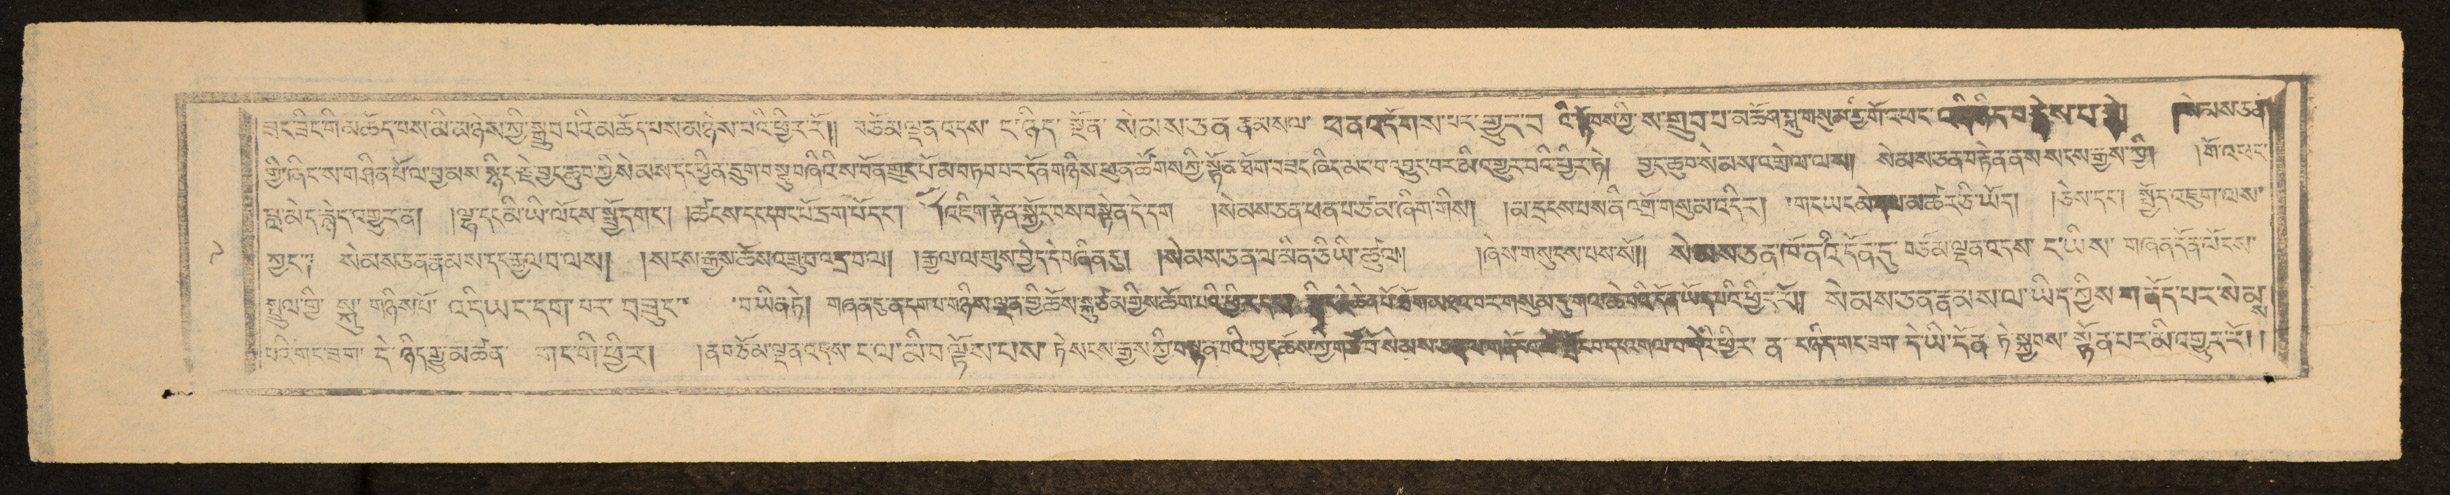ཟང་ཟིང་གི་མཆོད་པས་མི་མཉེས་ཀྱི་སྒྲུབ་པའི་མཆོད་པས་མཉེས་པའི་ཕྱིར་རོ།། བཅོམ་ལྡན་འདས་ང་ཉིད་སྔོན་སེམས་ཅན་རྣམས་ལ་ཕན་འདོགས་པར་གྱུར་བའི་སྟོབས་ཀྱི་ས་གྲུབ་པ་མཆོག་སྐུ་གསུམ་གྱི་གོ་འཕང་འདི་ཉིད་བརྙེས་པ་སྟེ། །སེམས་ཅན་
གྱི་ཞིང་ས་གཤིན་པོ་ལ་བྱམས་སྙིང་རྗེ་བྱང་ཆུབ་ཀྱི་སེམས་དང་ཕྱིན་དྲུག་བསྡུ་བཞིའི་ས་བོན་གྲུང་པོ་མ་བཏབ་པར་དོན་གཉིས་ཕུན་ཚོགས་ཀྱི་སྟོན་ཐོག་བཟང་ཞིང་མང་བ་འབྱུང་བར་མི་འགྱུར་བའི་ཕྱིར་ཏེ། བྱང་ཆུབ་སེམས་འགྲེལ་ལས། སེམས་ཅན་བརྟེན་ནས་སངས་རྒྱས་ཀྱི། །གོ་འཕང་
བླ་མེད་རྙེད་འགྱུར་ན། །ལྷ་དང་མི་ཡི་ལོངས་སྤྱོད་གང་། །ཚངས་དང་དབང་པོ་དྲག་པོ་དང་། །འཇིག་རྟེན་སྐྱོང་བས་བསྟེན་དེ་དག །སེམས་ཅན་ཕན་པ་ཙམ་ཞིག་གིས། །མ་དྲངས་པས་ནི་འགྲོ་གསུམ་འདིར། །གང་ཡང་མེད་ལ་མཚར་ཅི་ཡོད། །ཅེས་དང་། སྤྱོད་འཇུག་ལས་
ཀྱང༑ སེམས་ཅན་རྣམས་དང་རྒྱལ་བ་ལས། །སངས་རྒྱས་ཆོས་འགྲུབ་འདྲ་བ་ལ། །རྒྱལ་ལ་གུས་བྱེད་དེ་བཞིན་དུ། །སེམས་ཅན་ལ་མིན་ཅི་ཡི་ཚུལ། །ཞེས་གསུངས་པས་སོ།། སེམས་ཅན་ཁོ་ནའི་དོན་དུ་བཅོམ་ལྡན་འདས་ང་ཡིས་གཞན་དོན་ལོངས་
སྤྲུལ་གྱི་སྐུ་གཉིས་པོ་འདི་ཡང་དག་པར་བཟུང་བ་ཡིན་ཏེ། གཞན་དུ་ན་དག་པ་གཉིས་ལྡན་གྱི་ཆོས་སྐུ་ཙམ་གྱིས་ཆོག་པའི་ཕྱིར་དང་། སྙིང་རྗེ་ཆེན་པོ་ཐོག་མཐའ་བར་གསུམ་དུ་གལ་ཆེ་བའི་དོན་ཡོད་པའི་ཕྱིར་རོ།། སེམས་ཅན་རྣམས་ལ་ཡིད་ཀྱིས་གནོད་པར་སེམས་
པའི་གང་ཟག་དེ་ཉིད་རྒྱུ་མཚན་གང་གི་ཕྱིར། །ན་བཅོམ་ལྡན་འདས་ང་ལ་མི་བལྟོས་པས་ཏེ་སངས་རྒྱས་ཀྱི་བསྟན་པའི་ཁྱད་ཆོས་ཀྱི་གཙོ་བོ་སེམས་ཅན་ལ་གནོད་འཚེ་སྤོང་བ་དང་འགལ་བ་དེའི་ཕྱིར་ན་ང་ཉིད་གང་ཟག་དེ་ཡི་དོན་ཏེ་སྐྱབས་སྟོན་པར་མི་འགྱུར་རོ།།